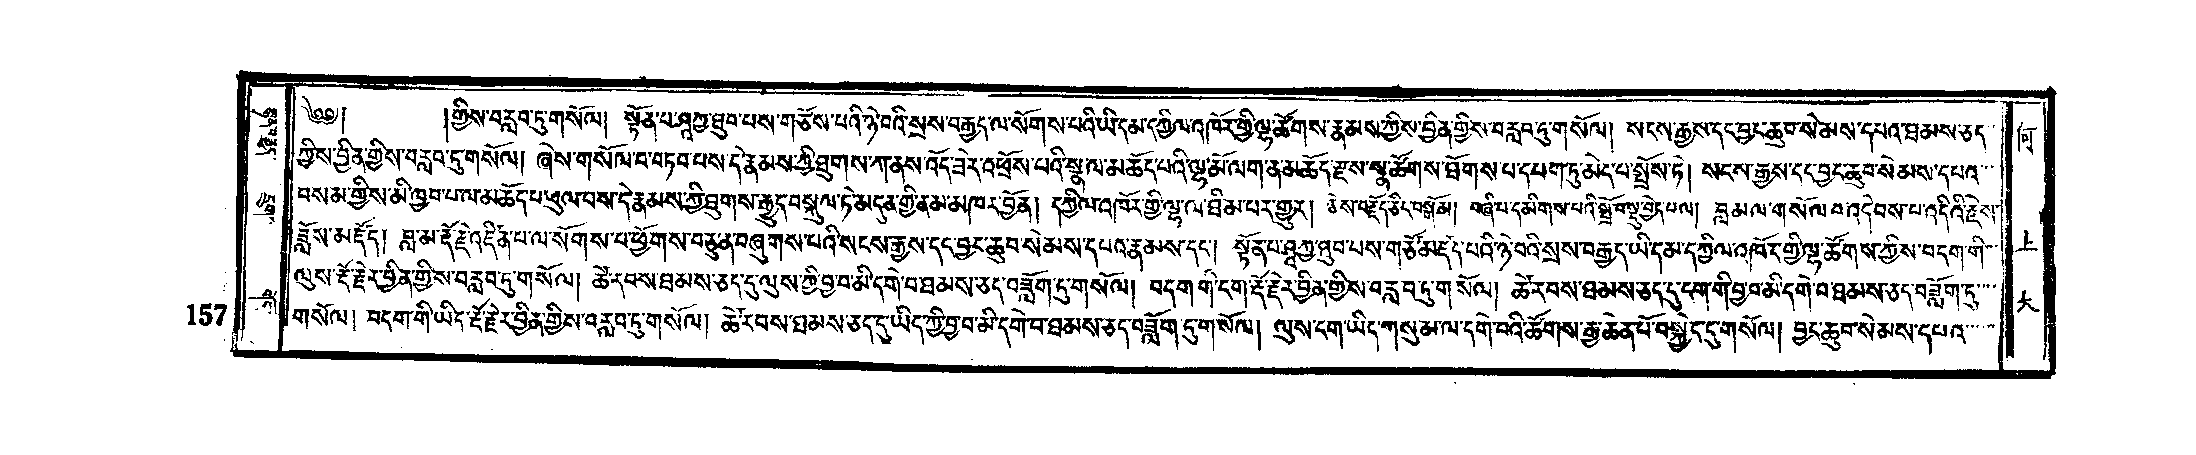༄༅། །གྱིས་བརླབ་ཏུ་གསོལ། སྟོན་པ་ཤཱཀྱ་ཐུབ་པས་གཙོས་པའི་ཉེ་བའི་སྲས་བརྒྱད་ལ་སོགས་པའི་ཡི་དམ་དཀྱིལ་འཁོར་གྱི་ལྷ་ཚོགས་རྣམས་ཀྱིས་བྱིན་གྱིས་བརླབ་ཏུ་གསོལ། སངས་རྒྱས་དང་བྱང་ཆུབ་སེམས་དཔའ་ཐམས་ཅད་
ཀྱིས་བྱིན་གྱིས་བརླབ་ཏུ་གསོལ། ཞེས་གསོལ་བ་བཏབ་པས་དེ་རྣམས་ཀྱི་ཐུགས་ཀ་ནས་འོད་ཟེར་འཕྲོས་པའི་སྣ་ལ་མཆོད་པའི་ལྷ་མོ་ལག་ན་མཆོད་རྫས་སྣ་ཚོགས་ཐོགས་པ་དཔག་ཏུ་མེད་པ་སྤྲོས་ཏེ། སངས་རྒྱས་དང་བྱང་ཆུབ་སེམས་དཔའ་
བསམ་གྱིས་མི་ཁྱབ་པ་ལ་མཆོད་པ་ཕུལ་བས་དེ་རྣམས་ཀྱི་ཐུགས་རྒྱུད་བསྐུལ་ཏེ་མདུན་གྱི་ནམ་མཁར་བྱོན། དཀྱིལ་འཁོར་གྱི་ལྷ་ལ་ཐིམ་པར་གྱུར། ཅེས་བརྗོད་ཅིང་བསྒོམ། བཞི་པ་དམིགས་པའི་སྤྲོ་བསྡུ་བྱེད་པ་ལ། བླ་མ་ལ་གསོལ་བ་འདེབས་པ་འདིའི་རྗེས་
ཟློས་མཛོད། བླ་མ་རྡོ་རྗེ་འཛིན་པ་ལ་སོགས་པ་ཕྱོགས་བཅུ་ན་བཞུགས་པའི་སངས་རྒྱས་དང་བྱང་ཆུབ་སེམས་དཔའ་རྣམས་དང་། སྟོན་པ་ཤཱཀྱ་ཐུབ་པས་གཙོ་མཛད་པའི་ཉེ་བའི་སྲས་བརྒྱད་ཡི་དམ་དཀྱིལ་འཁོར་གྱི་ལྷ་ཚོགས་ཀྱིས་བདག་གི་
ལུས་རྡོ་རྗེར་བྱིན་གྱིས་བརླབ་ཏུ་གསོལ། ཚེ་རབས་ཐམས་ཅད་དུ་ལུས་ཀྱི་བྱ་བ་མི་དགེ་བ་ཐམས་ཅད་བཟློག་ཏུ་གསོལ། བདག་གི་ངག་རྡོ་རྗེར་བྱིན་གྱིས་བརླབ་ཏུ་གསོལ། ཚེ་རབས་ཐམས་ཅད་དུ་ངག་གི་བྱ་བ་མི་དགེ་བ་ཐམས་ཅད་བཟློག་ཏུ་
གསོལ། བདག་གི་ཡིད་རྡོ་རྗེར་བྱིན་གྱིས་བརླབ་ཏུ་གསོལ། ཚེ་རབས་ཐམས་ཅད་དུ་ཡིད་ཀྱི་བྱ་བ་མི་དགེ་བ་ཐམས་ཅད་བཟློག་ཏུ་གསོལ། ལུས་ངག་ཡིད་གསུམ་ལ་དགེ་བའི་ཚོགས་རྒྱ་ཆེན་པོ་བསྐྱེད་དུ་གསོལ། བྱང་ཆུབ་སེམས་དཔའ་